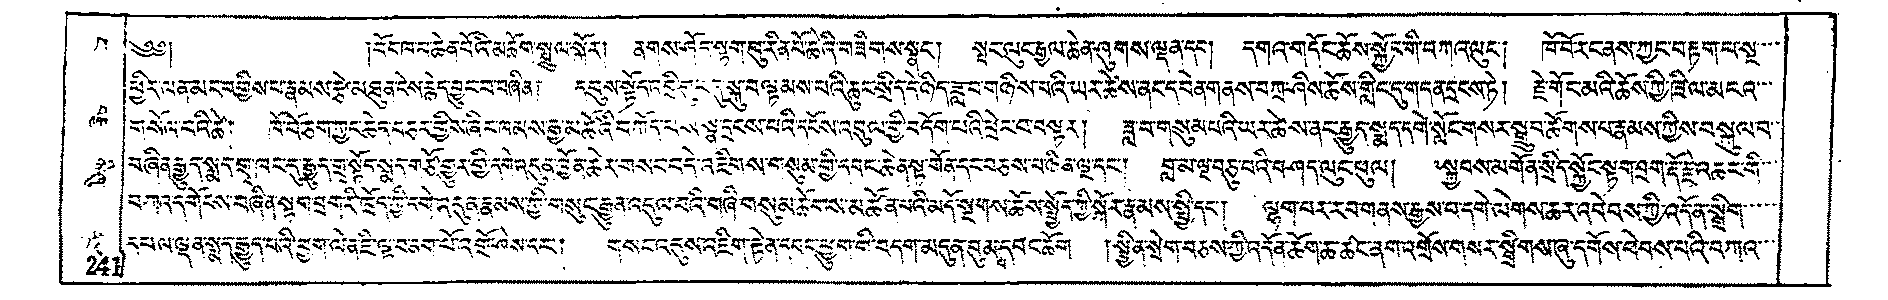༄༅། །བོང་ཁ་པ་ཆེན་པོའི་མཆོག་སྤྲུལ་སྐོར། ནགས་ཤོད་སྟག་ཕུ་རིན་པོ་ཆེའི་གཟིགས་སྣང་། སྤང་ལུང་རྒྱལ་ཆེན་ཤུགས་ལྡན་དང་། དགའ་གདོང་ཆོས་སྐྱོང་གི་བཀའ་ལུང་། ཁོ་བོ་རང་ནས་ཀྱང་བརྟག་པ་སྔ་
ཕྱིར་ལན་མང་བགྱིས་པ་རྣམས་རྩེ་མཐུན་ངེས་རྙེད་བྱུང་བ་བཞིན། དབུས་སྟོད་འབྲི་གུང་དུ་སྐུ་བལྟམས་པའི་ཆུང་སྲིད་དེ་ཉིད་ཟླ་བ་གཉིས་པའི་ཡར་ཚེས་ནང་དབེན་གནས་བཀྲ་ཤིས་ཆོས་གླིང་དུ་གདན་དྲངས་ཏེ། རྗེ་གོང་མའི་ཆོས་ཀྱི་ཁྲི་ལ་མངའ་
གསོལ་བའི་ཚེ། ཁོ་བོ་ཅག་ཀྱང་ཆེད་བཅར་གྱིས་ཞིང་ཁམས་རྒྱ་མཚོའི་བཀོད་པས་སྣ་དྲངས་པའི་དངོས་འབུལ་གྱི་བདོག་པའི་ཕྲེང་བ་བསྟར། ཟླ་བ་གསུམ་པའི་ཡར་ཚེས་ནང་རྒྱུད་སྨད་དགེ་སློང་གསར་སྒྲུབ་ཚོགས་པ་རྣམས་ཀྱིས་བསྐུལ་བ་
བཞིན་རྒྱུད་སྨད་གྲྭ་ཁང་དུ་རྒྱུད་གྲྭ་སྟོད་སྨད་གཙོ་གྱུར་གྱི་དགེ་འདུན་ཁྱོན་ཆེར་གསང་བདེ་འཇིགས་གསུམ་གྱི་དབང་ཆེན་སྟ་གོན་དང་བཅས་པ་ཉིན་ལྔ་དང་། བླ་མ་ལྔ་བཅུ་པའི་བཤད་ལུང་ཕུལ། ༧སྐྱབས་མགོན་སྲིད་སྐྱོང་སྟག་བྲག་རྡོ་རྗེ་འཆང་གི་
བཀའ་དགོངས་བཞིན་སྟག་བྲག་རི་ཁྲོད་ཀྱི་དགེ་འདུན་རྣམས་ཀྱི་གསུང་རྒྱུན་འདུལ་བའི་གཞི་གསུམ་ཆོ་གས་མཚོན་པའི་མདོ་སྔགས་ཆོས་སྤྱོད་ཀྱི་སྐོར་རྣམས་སྤྱི་དང་། ལྷག་པར་རབ་གནས་རྒྱས་པ་དགེ་ལེགས་ཆར་འབེབས་ཀྱི་འདོན་སྒྲིག་
དཔལ་ལྡན་སྨད་རྒྱུད་པའི་ཕྱག་ལེན་ཇི་ལྟ་བ་ནག་པོ་འགྲོ་ཤེས་དང་། གསང་འདུས་འཇིག་རྟེན་དབང་ཕྱུག་གི་བདག་མདུན་བུམ་པ་དབང་ཆོག །སྦྱིན་སྲེག་བཅས་ཀྱི་འདོན་ཆོག་ཆ་ཚང་ནག་འགྲོས་གསར་སྒྲིགས་ཞུ་དགོས་ཕེབས་པའི་བཀའ་